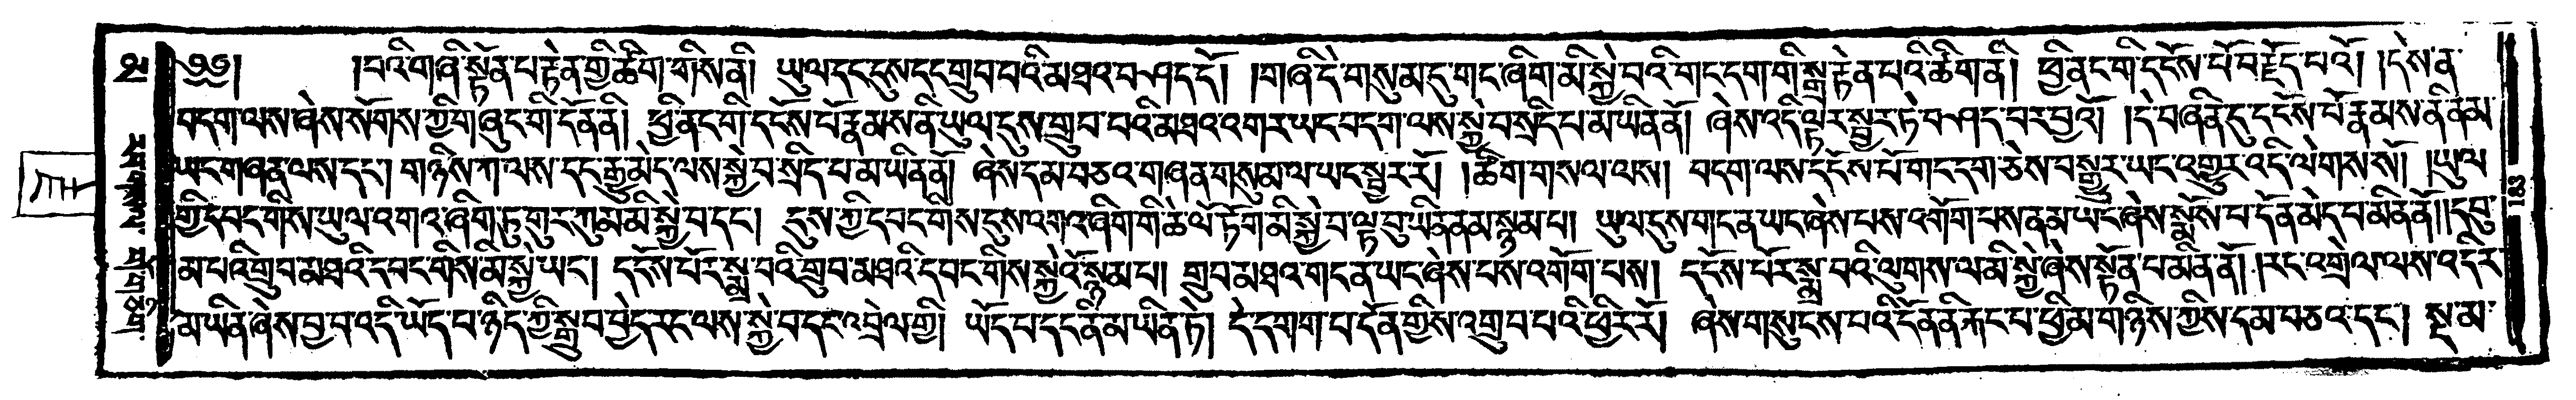༄༅། །བའི་གཞི་སྟོན་པ་རྟེན་གྱི་ཚིག་གིས་ནི། ཡུལ་དང་དུས་དང་གྲུབ་པའི་མཐའ་བཤད་དོ། །གཞི་དེ་གསུམ་དུ་གང་ཞིག་མི་སྐྱེ་བའི་གང་དག་གིས་སྒྲ་རྟེན་པའི་ཚིག་ནི། ཕྱི་ནང་གི་དངོས་པོ་བརྗོད་པའོ། །དེས་ན་
བདག་ལས་ཞེས་སོགས་ཀྱི་གཞུང་གི་དོན་ནི། ཕྱི་ནང་གི་དངོས་པོ་རྣམས་ནི་ཡུལ་དུས་གྲུབ་པའི་མཐའ་འགར་ཡང་བདག་ལས་སྐྱེ་བ་སྲིད་པ་མ་ཡིན་ནོ། ཞེས་འདི་ལྟར་སྦྱར་ཏེ་བཤད་པར་བྱའོ། །དེ་བཞིན་དུ་དངོས་པོ་རྣམས་ནི་ནམ་
ཡང་གཞན་ལས་དང་། གཉིས་ཀ་ལས་དང་རྒྱུ་མེད་ལས་སྐྱེ་བ་སྲིད་པ་མ་ཡིན་ནོ། ཞེས་དམ་བཅའ་གཞན་གསུམ་ལ་ཡང་སྦྱར་རོ། །ཚིག་གསལ་ལས། བདག་ལས་དངོས་པོ་གང་དག་ཅེས་བསྒྱུར་ཡང་འགྱུར་འདི་ལེགས་སོ། །ཡུལ་
གྱི་དབང་གིས་ཡུལ་འགའ་ཞིག་ཏུ་གུར་ཀུམ་མི་སྐྱེ་བ་དང་། དུས་ཀྱི་དབང་གིས་དུས་འགའ་ཞིག་གི་ཚེ་ལོ་ཏོག་མི་སྐྱེ་བ་ལྟ་བུ་ཡིན་ནམ་སྙམ་པ། ཡུལ་དུས་གང་ན་ཡང་ཞེས་པས་འགོག་པས་ནམ་ཡང་ཞེས་སྨོས་པ་དོན་མེད་པ་མིན་ནོ། །དབུ་
མ་པའི་གྲུབ་མཐའི་དབང་གིས་མི་སྐྱེ་ཡང་། དངོས་པོར་སྨྲ་བའི་གྲུབ་མཐའི་དབང་གིས་སྐྱེའོ་སྙམ་པ། གྲུབ་མཐའ་གང་ན་ཡང་ཞེས་པས་འགོག་པས། དངོས་པོར་སྨྲ་བའི་ལུགས་ལ་མི་སྐྱེ་ཞེས་སྟོན་པ་མིན་ནོ། །རང་འགྲེལ་ལས་འདིར་
མ་ཡིན་ཞེས་བྱ་བ་འདི་ཡོད་པ་ཉིད་ཀྱི་སྒྲུབ་བྱེད་རང་ལས་སྐྱེ་བ་དང་འབྲེལ་གྱི། ཡོད་པ་དང་ནི་མ་ཡིན་ཏེ། དེ་དགག་པ་དོན་གྱིས་འགྲུབ་པའི་ཕྱིར་རོ། ཞེས་གསུངས་པའི་དོན་ནི་རྐང་པ་ཕྱི་མ་གཉིས་ཀྱིས་དམ་བཅའ་དང་། སྔ་མ་